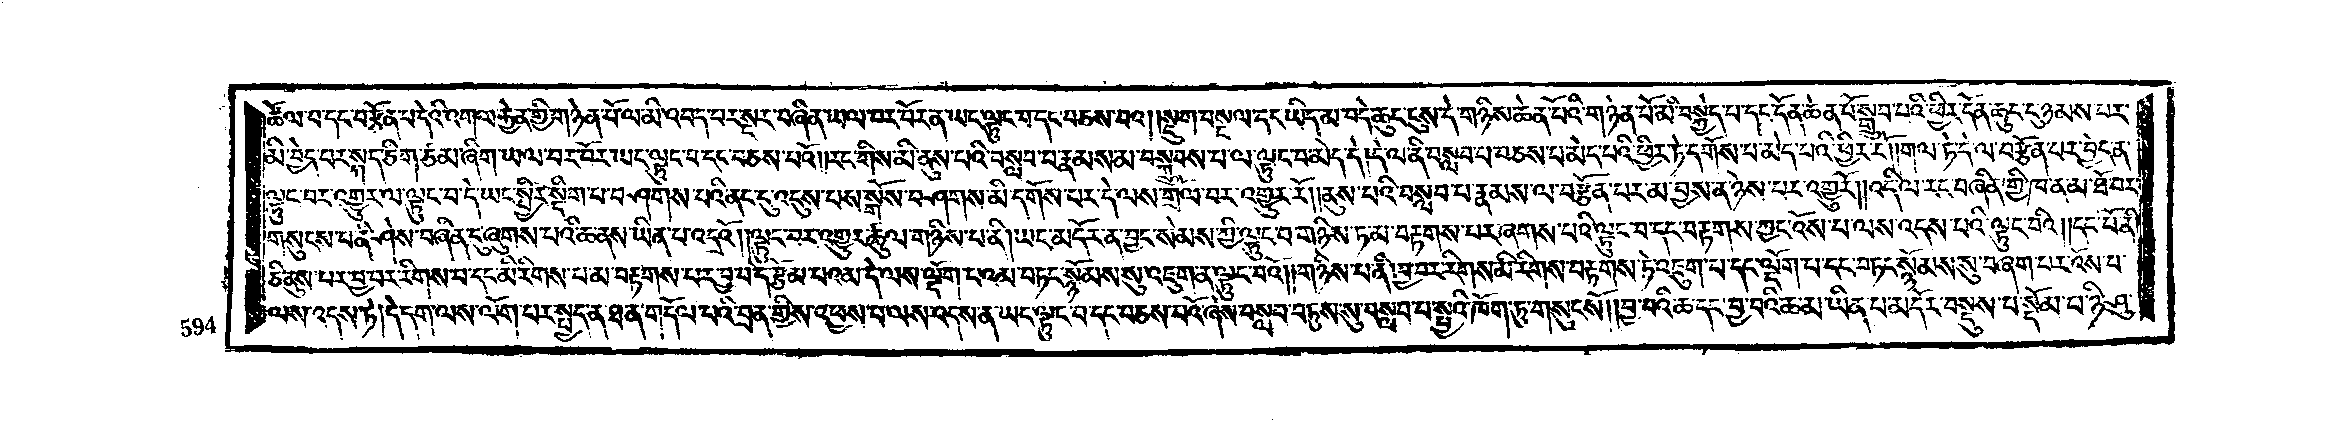ཚོལ་བ་དང་བརྩོན་པ་དེའི་འགལ་རྐྱེན་གྱི་གཉེན་པོ་ལ་མི་འབད་པར་སྔར་བཞིན་ཡལ་བར་བོར་ན་ཡང་ལྟུང་བ་དང་བཅས་པའོ། །སྡུག་བསྔལ་དང་ཡིད་མ་བདེ་ཆུང་ངུས་དེ་གཉིས་ཆེན་པོའི་གཉེན་པོ་མི་བསྐྱེད་པ་དང་དོན་ཆེན་པོ་སྒྲུབ་པའི་ཕྱིར་དོན་ཆུང་ངུ་ཉམས་པར་
མི་བྱེད་པར་སྐད་ཅིག་ཙམ་ཞིག་ཡལ་བར་བོར་ཡང་ལྟུང་བ་དང་བཅས་པའོ། །རང་གིས་མི་ནུས་པའི་བསླབ་པ་རྣམས་མ་བསྐྲུབས་པ་ལ་ལྟུང་བ་མེད་དེ། དེ་ལ་ནི་བསླབ་པ་བཅས་པ་མེད་པའི་ཕྱིར་ཏེ་དགོས་པ་མེད་པའི་ཕྱིར་རོ། །གལ་ཏེ་དེ་ལ་བརྩོན་པར་བྱེད་ན་
ལྟུང་བར་འགྱུར་ལ་ལྟུང་བ་དེ་ཡང་སྤྱིར་སྡིག་པ་བཤགས་པའི་ནང་དུ་འདུས་པས་སྒོས་བཤགས་མི་དགོས་པར་དེ་ལས་གྲོལ་བར་འགྱུར་རོ། །ནུས་པའི་བསླབ་པ་རྣམས་ལ་བརྩོན་པར་མ་བྱས་ན་ཉེས་པར་འགྱུར་རོ། །འདི་ལ་རང་བཞིན་གྱི་ཁ་ན་མ་ཐོ་བར་
གསུངས་པ་ནི་ཤེས་བཞིན་དུ་ཞུགས་པའི་ཆ་ནས་ཡིན་པ་འདྲའོ། །ལྟུང་བར་འགྱུར་ཚུལ་གཉིས་པ་ནི། ཡང་མདོར་ན་བྱང་སེམས་ཀྱི་ལྟུང་བ་གཉིས་ཏ་མ་བརྟགས་པར་ཞགས་པའི་ལྟུང་བ་དང་བརྟགས་ཀྱང་འོས་པ་ལས་འདས་པའི་ལྟུང་བའི། །དང་པོ་ནི་
ཅི་ནུས་པར་བྱ་བར་རིགས་པ་དང་མི་རིགས་པ་མ་བརྟགས་པར་བྱ་བ་དེ་རྩོམ་པའམ་དེ་ལས་ལྡོག་པའམ་བཏང་སྙོམས་སུ་འཇུག་ན་ལྟུང་བའོ། །གཉིས་པ་ནི། བྱ་བར་རིགས་མི་རིགས་བརྟགས་ཏེ་འཇུག་པ་དང་ལྡོག་པ་དང་བཏང་སྙོམས་སུ་བཞག་པར་འོས་པ་
ལས་འདས་ཏེ། དེ་དག་ལས་ལོག་པར་སྤྱད་ན་ཐ་ན་གདོལ་པའི་བྲན་གྱིས་འཕྱས་བ་ལས་འདས་ན་ཡང་ལྟུང་བ་དང་བཅས་པའོ་ཞེས་བསླབ་བཏུས་སུ་བསླབ་པ་སྤྱའི་ཁོག་ཏུ་གསུངས་སོ། །བྱ་བའི་ཆ་དང་བྱ་བའི་ཆ་མ་ཡིན་པ་མདོར་བསྡུས་པ་སྡོམ་པ་ཉི་ཤུ་